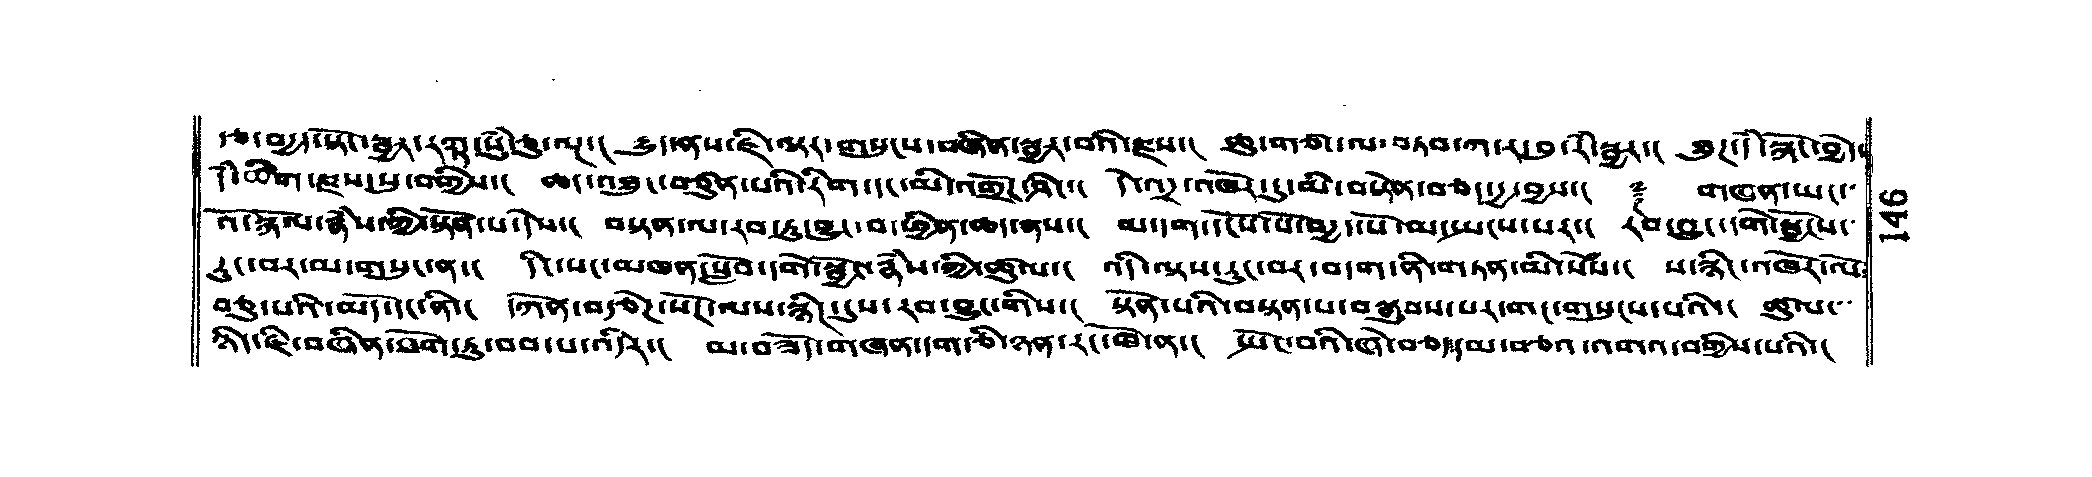།རྩ་བརྒྱད་སྟོང་སྦྱར་རཀྟ་སུམ་ཅུ་ལྔ། །རྒྱུད་ནས་ཇི་ལྟར་གསུངས་བཞིན་སྦྱར་བའི་རྫས། །ཆུ་གཙང་ལ་བཏབ་ཀ་ར་བུ་རམ་སྦྱར། །ཐུགས་དམ་སྐོང་བྱེད་
དམ་ཚིག་རྫས་སུ་བགྱིས། །ཆང་འཐུང་བཙུན་པའི་རིགས་དང་མི་འགྲོགས་ཤིང་། །དེ་འདྲ་འཁོར་དུ་མི་བསྟེན་བཅད་རྒྱ་བྱས། །གཞན་ཡང་
འོ་སྐོལ་རྣམས་ཀྱི་སྟོན་པ་དེས། །བསྟན་ལ་རབ་ཏུ་བྱུང་བ་ཕྱིན་ཆད་ནས། །མ་དག་དངོས་པོ་བརྒྱད་པོ་མ་སྤངས་པར། རབ་བྱུང་དགེ་སྦྱོང་
རུང་བར་མ་གསུངས་ན། །དིང་སང་མཁན་སློབ་དགེ་སྦྱོང་རྣམས་ཀྱི་ཚུལ། །འདི་ལྟས་རུང་བར་བདག་ནི་གཏན་མི་སེམས། །ས་སྙིང་འཁོར་ལོ་
བཅུ་པའི་མདོ་དང་ནི། །དཀོན་བརྩེགས་སོགས་ལས་སྙིགས་དུས་རབ་བྱུང་གིས། །སྟོན་པའི་བསྟན་པ་བསྣུབ་པར་གང་གསུངས་པའི། །ཚུལ་
ཉིད་ཇི་བཞིན་ཐོག་ཏུ་བབ་པ་འདིར། །མ་བཟོད་གཞན་དག་ཅི་ཉན་རང་ཁོ་ན། །སྤོང་བའི་ཞེ་བཅད་མ་བཅའ་འགའ་བགྱིས་པའི།